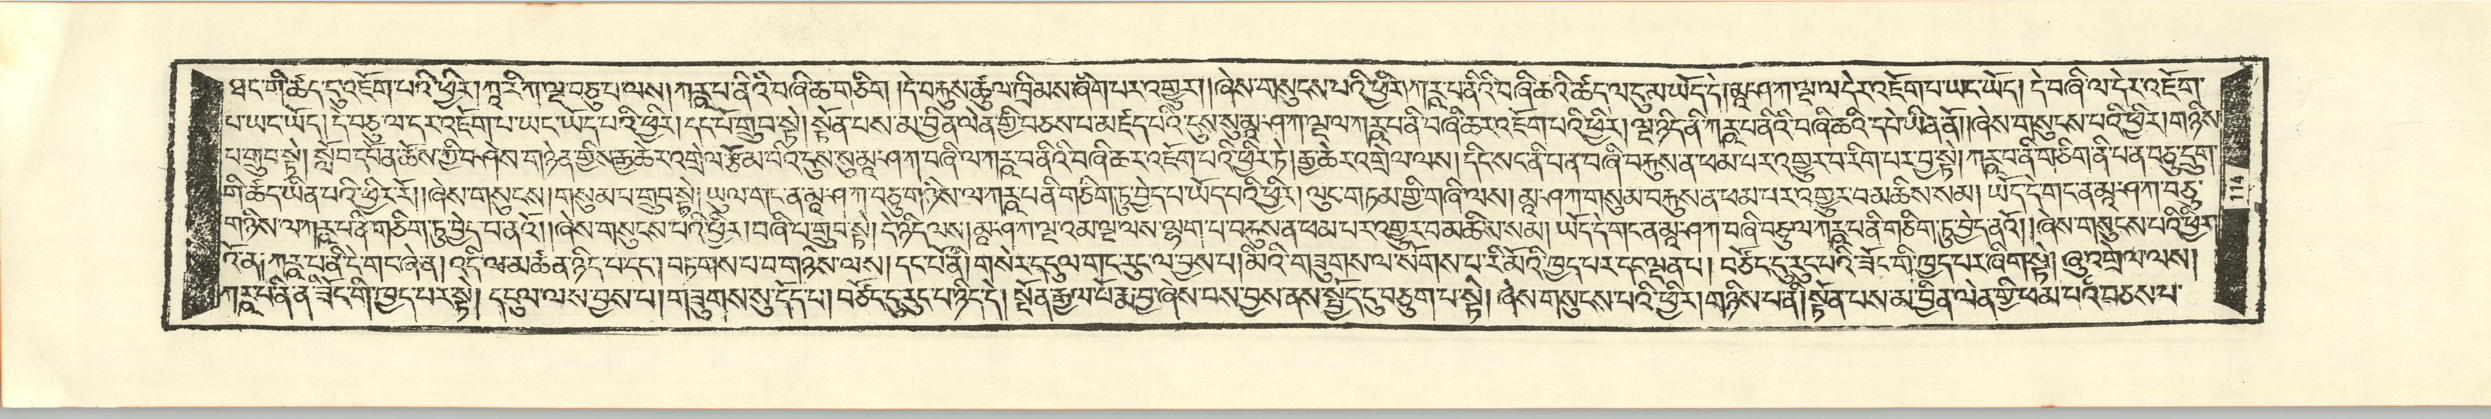ཐང་གི་ཚད་དུ་འཇོག་པའི་ཕྱིར། ཀཱ་རི་ཀ་ལྔ་བཅུ་པ་ལས། ཀརྵ་པ་ནིའི་བཞི་ཆ་གཅིག །དེ་བརྐུས་ཚུལ་ཁྲིམས་ཞིག་པར་འགྱུར། །ཞེས་གསུངས་པའི་ཕྱིར། ཀརྵ་པ་ནིའི་བཞི་ཆའི་ཚད་ལ་དུ་མ་ཡོད་དེ། མཱ་ཤ་ཀ་ལྔ་ལ་དེར་འཇོག་པ་ཡང་ཡོད། དེ་བཞི་ལ་དེར་འཇོག་
པ་ཡང་ཡོད། དེ་བཅུ་ལ་དར་འཇོག་པ་ཡང་ཡོད་པའི་ཕྱིར། དང་པོ་གྲུབ་སྟེ། སྟོན་པས་མ་བྱིན་ལེན་གྱི་བཅས་པ་མཛད་པའི་དུས་སུ་མཱ་ཤ་ཀ་ལྔ་ལ་ཀརྵ་པ་ནི་བཞི་ཆར་འཇོག་པའི་ཕྱིར། ལྔ་ཉིད་ནི་ཀརྵ་པ་ནིའི་བཞི་ཆའི་དཔེ་ཡིན་ནོ། །ཞེས་གསུངས་པའི་ཕྱིར། གཉིས་
པ་གྲུབ་སྟེ། སློབ་དཔོན་ཆོས་ཀྱི་བཤེས་གཉེན་གྱིས་རྒྱ་ཆེར་འགྲེལ་རྩོམ་པའི་དུས་སུ་མཱ་ཤ་ཀ་བཞི་ལ་ཀརྵ་བ་ནིའི་བཞི་ཆར་འཇོག་པའི་ཕྱིར་ཏེ། རྒྱ་ཆེར་འགྲེལ་ལས། དིང་སང་ནི་པ་ན་བཞི་བརྐུས་ན་ཕམ་པར་འགྱུར་བ་རིག་པར་བྱ་སྟེ། ཀརྵ་པ་ནི་གཅིག་ནི་པ་ན་བཅུ་དྲུག་
གི་ཚད་ཡིན་པའི་ཕྱིར་རོ། །ཞེས་གསུངས། གསུམ་པ་གྲུབ་སྟེ། ཡུལ་གང་ན་མཱ་ཤ་ཀ་བཅུ་གཉིས་ལ་ཀརྵ་པ་ནི་གཅིག་ཏུ་བྱེད་པ་ཡོད་པའི་ཕྱིར། ལུང་གཏམ་གྱི་གཞི་ལས། མཱ་ཤ་ཀ་གསུམ་བརྐུས་ན་ཕམ་པར་འགྱུར་བ་མ་ཆིས་སམ། ཡོད་དེ་གང་ན་མཱ་ཤ་ཀ་བཅུ་
གཉིས་ལ་ཀརྵ་པ་ནི་གཅིག་ཏུ་བྱེད་པ་ནའོ། །ཞེས་གསུངས་པའི་ཕྱིར། བཞི་པ་གྲུབ་སྟེ། དེ་ཉིད་ལས། མཱ་ཤ་ཀ་ལྔ་འམ་ལྔ་ལས་ལྷག་པ་བརྐུས་ན་ཕམ་པར་འགྱུར་བ་མཆིས་སམ། ཡོད་དེ་གང་ན་མཱ་ཤ་ཀ་བཞི་བཅུ་ལ་ཀརྵ་པ་ནི་གཅིག་ཏུ་བྱེད་ནའོ། །ཞེས་གསུངས་པའི་ཕྱིར་
འོ་ན། ཀརྵ་པ་ནི་དེ་གང་ཞེ་ན། འདི་ལ་མཚན་ཉིད་པ་དང་། བཏགས་པ་བ་གཉིས་ལས། དང་པོ་ནི། གསེར་དངུལ་གང་རུང་ལ་བྱས་པ། མིའི་གཟུགས་ལ་སོགས་པ་རི་མོའི་ཁྱད་པར་དང་ལྡན་པ། བཙོང་དུ་རུང་པའི་ཟོང་གི་ཁྱད་པར་ཞིག་སྟེ། ཞུ་འགྲེལ་ལས།
ཀརྵ་པ་ནི་ནི་ཟོང་གི་ཁྱད་པར་སྟེ། དངུལ་ལས་བྱས་པ། གཟུགས་སུ་དོད་པ། བཙོང་དུ་རུང་པ་ཉིད་དེ། སྔོན་རྒྱལ་པོ་རྨ་བྱ་ཞེས་པས་བྱས་ནས་སྤྱོད་དུ་བཅུག་པ་སྟེ། ཞེས་གསུངས་པའི་ཕྱིར། གཉིས་པ་ནི། སྟོན་པས་མ་བྱིན་ལེན་གྱི་ཕམ་པའི་བཅས་པ་